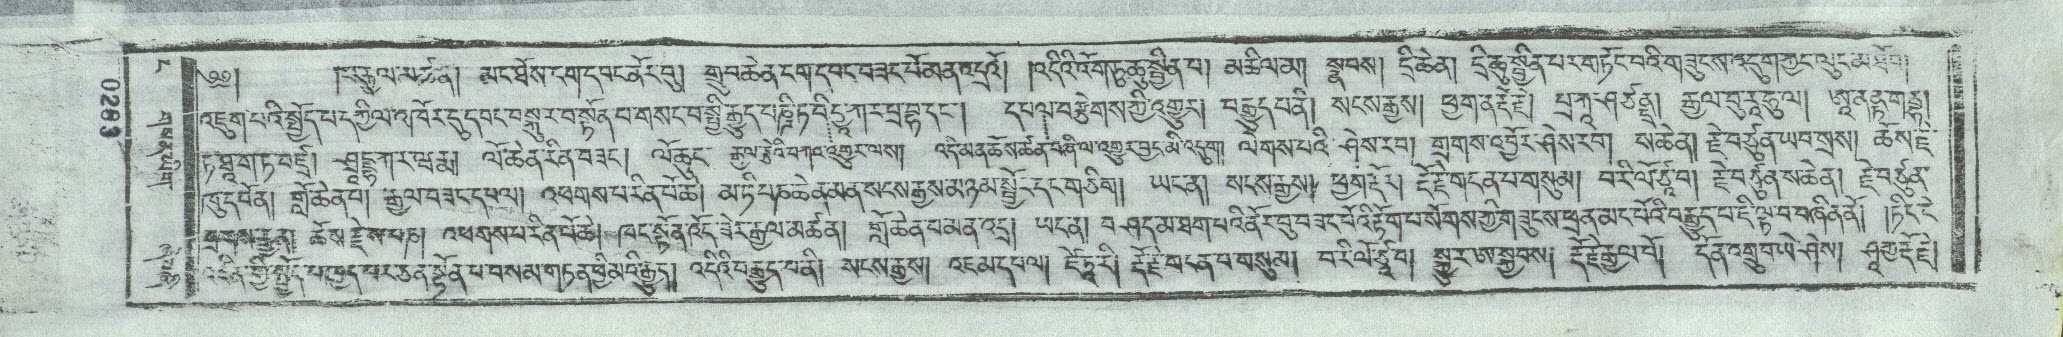༄༅། །པ་རྒྱལ་མཚན། མང་ཐོས་ངག་དབང་ནོར་བུ། གྲུབ་ཆེན་ངག་དབང་བཟང་པོ་མན་འདྲའོ། །འདིའི་འོག་ཏུ་ཆུ་སྦྱིན་པ། མཆིལ་མ། སྣ་བས། དྲི་ཆེན། དྲི་ཆུ་སྦྱིན་པ་གཏོང་བའི་གཟུངས་འདུག་ཀྱང་ལུང་མ་ཐོབ།
འཇུག་པའི་སྤྱོད་པ་དཀྱིལ་འཁོར་དུ་དབང་བསྐུར་བ་སྟོན་པ་གསང་བ་སྤྱི་རྒྱུད་པ་པཎྜི་ཏ་བིདྱཱ་ཀ་པྲ་བྷ་དང་། དཔལ་བརྩེགས་ཀྱི་འགྱུར། བརྒྱུད་པ་ནི། སངས་རྒྱས། ཕྱག་ན་རྡོ་རྗེ། པྲཀཱ་ཤཙནྡྲ། རྒྱལ་བུ་རཱ་ཧུ་ལ། ཨཱ་ནྣྟ་གརྦྷ།
ཏ་ཐཱ་ག་ཏ་བཛྲ། ཤྲྰྡྡྷ་ཀ་ར་ཝརྨ། ལོ་ཆེན་རིན་བཟང་། ལོ་ཆུང་རྒྱལ་རྩེའི་བཀའ་འགྱུར་ལས། འདི་མན་ཆོས་བཞི་ལ་འགྱུར་བྱང་མི་འདུག། ལེགས་པའི་ཤེས་རབ། གྲགས་འབྱོར་ཤེས་རབ། ས་ཆེན། རྗེ་བཙུན་ཡབ་སྲས། ཆོས་རྗེ་
ཁུ་དབོན། གློ་ཆེན་པ། རྒྱལ་བཟང་དཔལ། འཕགས་པ་རིན་པོ་ཆེ། མ་ཏི་པཎ་ཆེན་མན་སངས་རྒྱས་མཉམ་སྦྱོར་དང་གཅིག། ཡང་ན། སངས་རྒྱས། ཕྱག་རྡོར། རྡོ་རྗེ་གདན་པ་གསུམ། བ་རི་ལོ་ཏཱྯ་བ། རྗེ་བཙུན་ས་ཆེན། རྗེ་བཙུན་
གྲགས་རྒྱན། ཆོས་རྗེས་པཎ། འཕགས་པ་རིན་པོ་ཆེ། ཁང་སྟོན་འོད་ཟེར་རྒྱལ་མཚན། གློ་ཆེན་བ་མན་འདྲ། ཡང་ན། བཤད་མ་ཐག་པའི་ནོར་བཟང་པོའི་རྟོག་པ་སོགས་ཀྱི་གཟུངས་ཕན་མང་པོའི་བརྒྱུད་པ་ཇི་ལྟ་བ་བཞིན་ནོ། །ཏིང་ངེ་
འཛིན་གྱི་སྤྱོད་པ་ཁྱད་པར་ཅན་སྟོན་པ་བསམ་གཏན་ཕྱི་མའི་རྒྱུད། འདིའི་བརྒྱུད་པ་ནི། སངས་རྒྱས། འཇམ་དཔལ། ཛེ་ཏཱ་རི། རྡོ་རྗེ་གདན་པ་གསུམ། བ་རི་ལོ་ཙཱ་བ། སྐྱུ་ར་ཨ་སྐྱབས། རྡོ་རྗེ་རྒྱལ་པོ། དོན་འགྲུབ་ཡེ་ཤེས། ཤཱཀྱ་རྡོ་རྗེ།